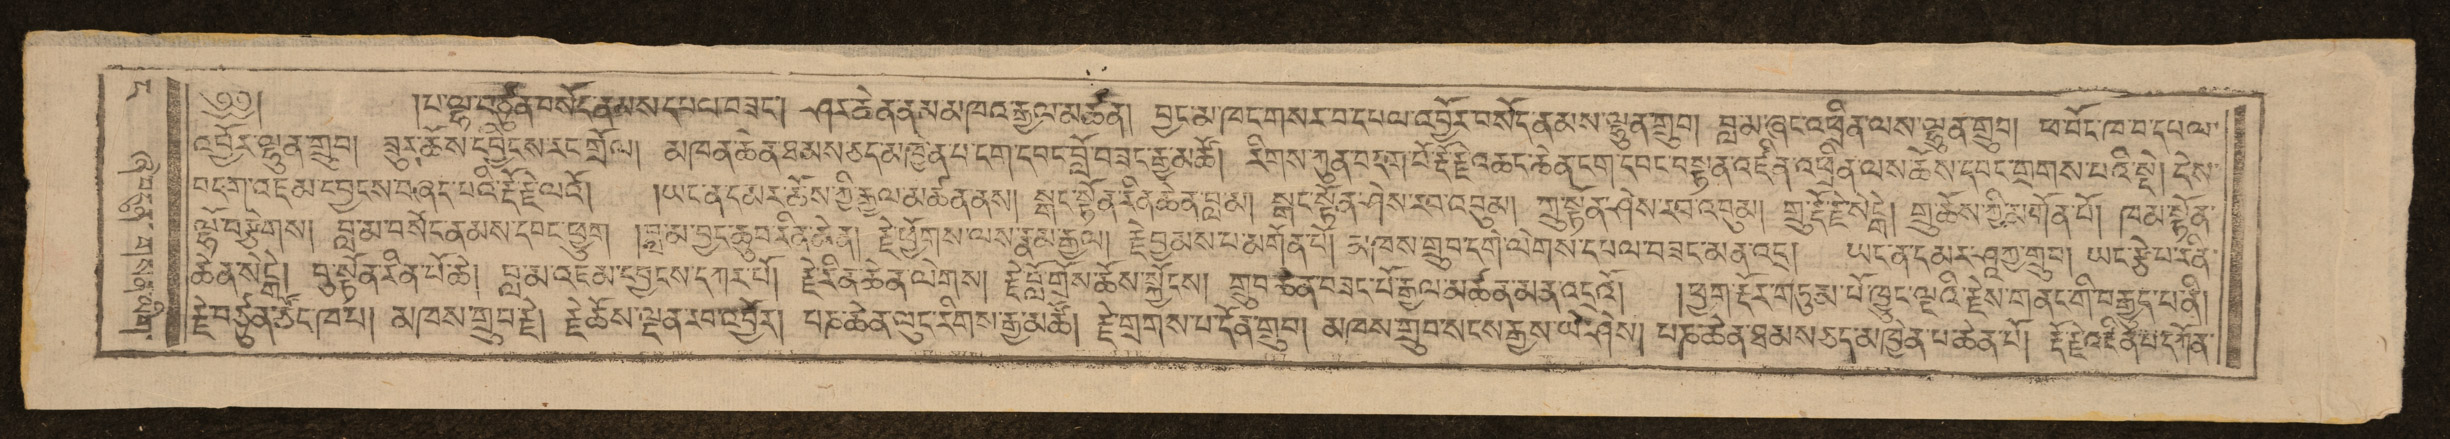༄༅། །པ་ལྷ་བཙུན་བསོད་ནམས་དཔལ་བཟང་། ཤར་ཆེན་ནམ་མཁའ་རྒྱལ་མཚན། བྱང་མ་ཁང་གསར་པ་དཔལ་འབྱོར་བསོད་ནམས་ལྷུན་གྲུབ། བླ་མ་ཞང་འཕྲིན་ལས་ལྷུན་གྲུབ། ཕ་བོང་ཁ་བ་དཔལ་
འབྱོར་ལྷུན་གྲུབ། ཟུར་ཆོས་དབྱིངས་རང་གྲོལ། མཁན་ཆེན་ཐམས་ཅད་མཁྱེན་པ་ངག་དབང་བློ་བཟང་རྒྱ་མཚོ། རིགས་ཀུན་བདག་པོ་རྡོ་རྗེ་འཆང་ཆེན་ངག་དབང་བསྟན་འཛིན་འཕྲིན་ལས་ཆོས་དབང་གྲགས་པའི་སྡེ། དེས་
བདག་འཇམ་དབྱངས་བཞད་པའི་རྡོ་རྗེ་ལའོ། །ཡང་ན་དམར་ཆོས་ཀྱི་རྒྱལ་མཚན་ནས། སྒང་སྟོན་རིན་ཆེན་བླ་མ། སྒང་སྟོན་ཤེས་རབ་འབུམ། ཀྲུ་སྟོན་ཤེས་རབ་འབུམ། གྲུ་རྡོ་རྗེ་སེངྒེ། གྲུ་ཆོས་ཀྱི་མགོན་པོ། ཁམ་སྟོན་
ལྷོ་བརྩེགས། བླ་མ་བསོད་ནམས་དབང་ཕྱུག །བླ་མ་བྱང་ཆུབ་རིན་ཆེན། རྗེ་ཕྱོགས་ལས་རྣམ་རྒྱལ། རྗེ་བྱམས་པ་མགོན་པོ། མཁས་གྲུབ་དགེ་ལེགས་དཔལ་བཟང་མན་འདྲ། ཡང་ན་དམར་ཤཱཀྱ་གྲུབ། ཡང་རྩེ་པ་རིན་
ཆེན་སེངྒེ། བུ་སྟོན་རིན་པོ་ཆེ། བླ་མ་འཇམ་དབྱངས་དཀར་པོ། རྗེ་རིན་ཆེན་ལེགས། རྗེ་བློ་གྲོས་ཆོས་སྐྱོངས། གྲུབ་ཆེན་བཟང་པོ་རྒྱལ་མཚན་མན་འདྲའོ། །ཕྱག་རྡོར་གཏུམ་པོ་ཁྱུང་ལྔའི་རྗེས་གནང་གི་བརྒྱུད་པ་ནི།
རྗེ་བཙུན་ཙོང་ཁ་པ། མཁས་གྲུབ་རྗེ། རྗེ་ཚས་ལྡན་རབ་འབྱོར། པཎ་ཆེན་ལུང་རིགས་རྒྱ་མཚོ། རྗེ་གྲགས་པ་དོན་གྲུབ། མཁས་གྲུབ་སངས་རྒྱས་ཡེ་ཤེས། པཎ་ཆེན་ཐམས་ཅད་མཁྱེན་པ་ཆེན་པོ། རྡོ་རྗེ་འཛིན་པ་དཀོན་